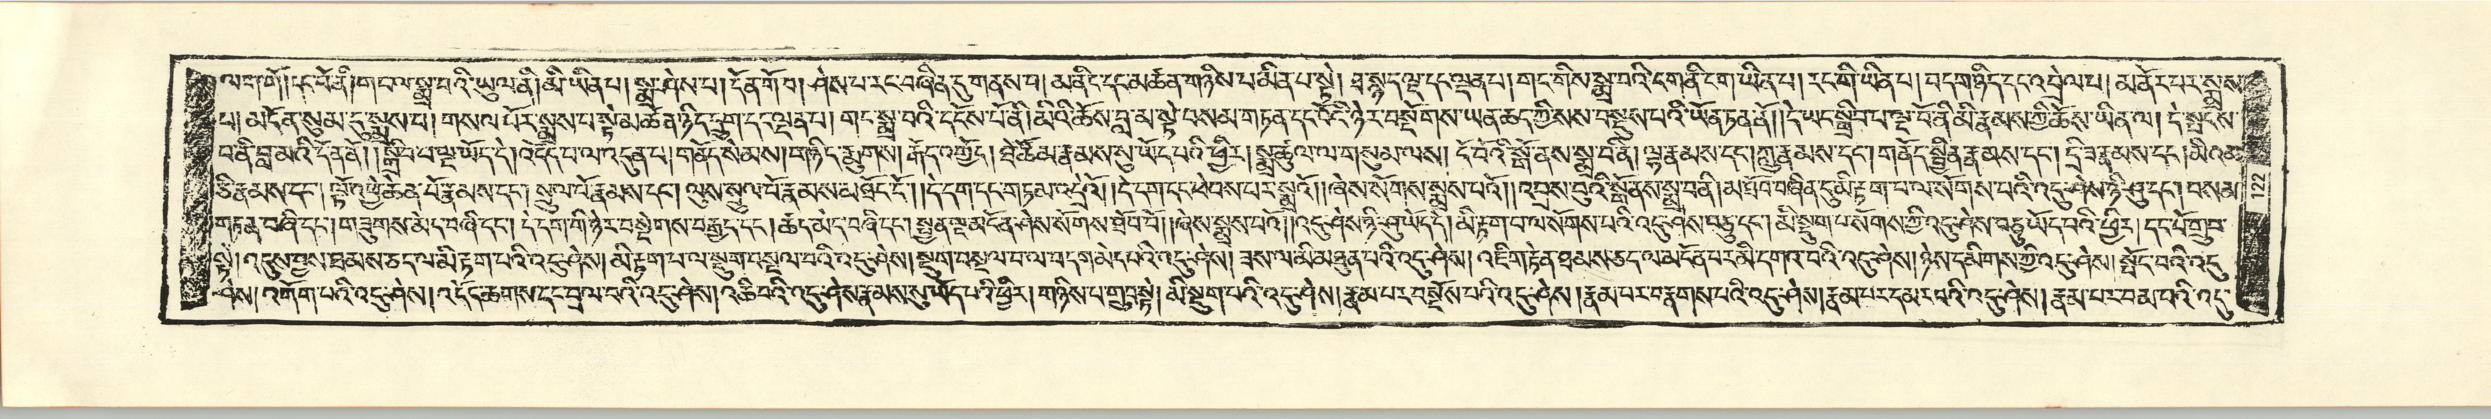ལག་གོ། དང་པོ་ནི། གང་ལ་སྨྲ་བའི་ཡུལ་ནི། མི་ཡིན་པ། སྨྲ་ཤེས་པ། དོན་གོ་བ། ཤེས་པ་རང་བཞིན་དུ་གནས་བ། མ་ནིང་དང་མཚན་གཉིས་པ་མིན་པ་སྟེ། ཐ་སྙད་ལྔ་དང་ལྡན་པ། གང་གིས་སྨྲ་བའི་ངག་ནི་ངག་ཡིན་པ། རང་གི་ཡིན་པ། བདག་ཉིད་དང་འབྲེལ་པ། མ་ནོར་པར་སྨྲས་
པ། མངོན་སུམ་དུ་སྨྲས་པ། གསལ་པོར་སྨྲས་པ་སྟེ་མཚན་ཉིད་དྲུག་དང་ལྡན་པ། གང་སྨྲ་བའི་དངོས་པོ་ནི། མིའི་ཆོས་བླ་མ་སྟེ་བསམ་གཏན་དང་པོའི་ཉེར་བསྡོགས་ཡན་ཆད་ཀྱི་སས་བསྡུས་པའི་ཡོན་ཏན་ནོ། །དེ་ཡང་སྒྲིབ་པ་ལྔ་བོ་ནི་མི་རྣམས་ཀྱི་ཆོས་ཡིན་ལ། དེ་སྤངས་
བ་ནི་བླ་མའི་དོན་ནོ། །སྒྲིབ་པ་ལྔ་ཡོད་དེ། འདོད་པ་ལ་འདུན་པ། གནོད་སེམས། གཉིད་རྨུགས། རྒོད་འགྱོད། ཐེ་ཚོམ་རྣམས་སུ་ཡོད་པའི་ཕྱིར། སྨྲ་ཚུལ་ལ་གསུམ་ལས། ངོ་བོའི་སྒོ་ནས་སྨྲ་བ་ནི། ལྷ་རྣམས་དང་། ཀླུ་རྣམས་དང་། གནོད་སྦྱིན་རྣམས་དང་། དྲི་ཟ་རྣམས་དང་། མིའམ་
ཅི་རྣམས་དང་། ལྟོ་འཕྱེ་ཆེན་པོ་རྣམས་དང་། སྲུལ་པོ་རྣམས་དང་། ལུས་སྲུལ་པོ་རྣམས་མཐོང་ངོ། །དེ་དག་དང་གཏམ་འདྲེའོ། །དེ་དག་དང་ཕེབས་པར་སྨྲའོ། །ཞེས་སོགས་སྨྲས་པའོ། །འབྲས་བུའི་སྒོ་ནས་སྨྲ་བ་ནི། མ་ཐོབ་བཞིན་དུ་མི་རྟག་པ་ལ་སོགས་པའི་འདུ་ཤེས་ཉི་ཤུ་དང་། བསམ་
གཏན་བཞི་དང་། གཟུགས་མེད་བཞི་དང་། དེ་དག་གི་ཉེར་བསྡེགས་བརྒྱད་དང་། ཚད་མེད་བཞི་དང་། སྤྱན་ལྔ་མངོན་ཤེས་སོགས་ཐོབ་བོ། །ཞེས་སྨྲས་པའོ། །འདུ་ཤེས་ཉི་ཤུ་ཡོད་དེ། མི་རྟག་པ་ལ་སོགས་པའི་འདུ་ཤེས་བཅུ་དང་། མི་སྡུག་པ་སོགས་ཀྱི་འདུ་ཤེས་བཅུ་ཡོད་པའི་ཕྱིར། དང་པོ་གྲུབ་
སྟེ། འདུས་བྱས་ཐམས་ཅད་ལ་མི་རྟག་པའི་འདུ་ཤེས། མི་རྟག་པ་ལ་སྡུག་བསྔལ་བའི་འདུ་ཤེས། སྡུག་བསྔལ་བ་ལ་བདག་མེད་པའི་འདུ་ཤེས། ཟས་ལ་མི་མཐུན་པའི་འདུ་ཤེས། འཇིག་རྟེན་ཐམས་ཅད་ལ་མངོན་པར་མི་དགའ་བའི་འདུ་ཤེས། ཉེས་དམིགས་ཀྱི་འདུ་ཤེས། སྤོང་བའི་འདུ་
ཤེས། འགོག་པའི་འདུ་ཤེས། འདོད་ཆགས་དང་བྲལ་བའི་འདུ་ཤེས། འཆི་བའི་འདུ་ཤེས་རྣམས་སུ་ཡོད་པའི་ཕྱིར། གཉིས་པ་གྲུབ་སྟེ། མི་སྡུག་པའི་འདུ་ཤེས། རྣམ་པར་བསྔོས་པའི་འདུ་ཤེས། རྣམ་པར་བརྣགས་པའི་འདུ་ཤེས། རྣམ་པར་དམར་བའི་འདུ་ཤེས། རྣམ་པར་བམ་པའི་འདུ་